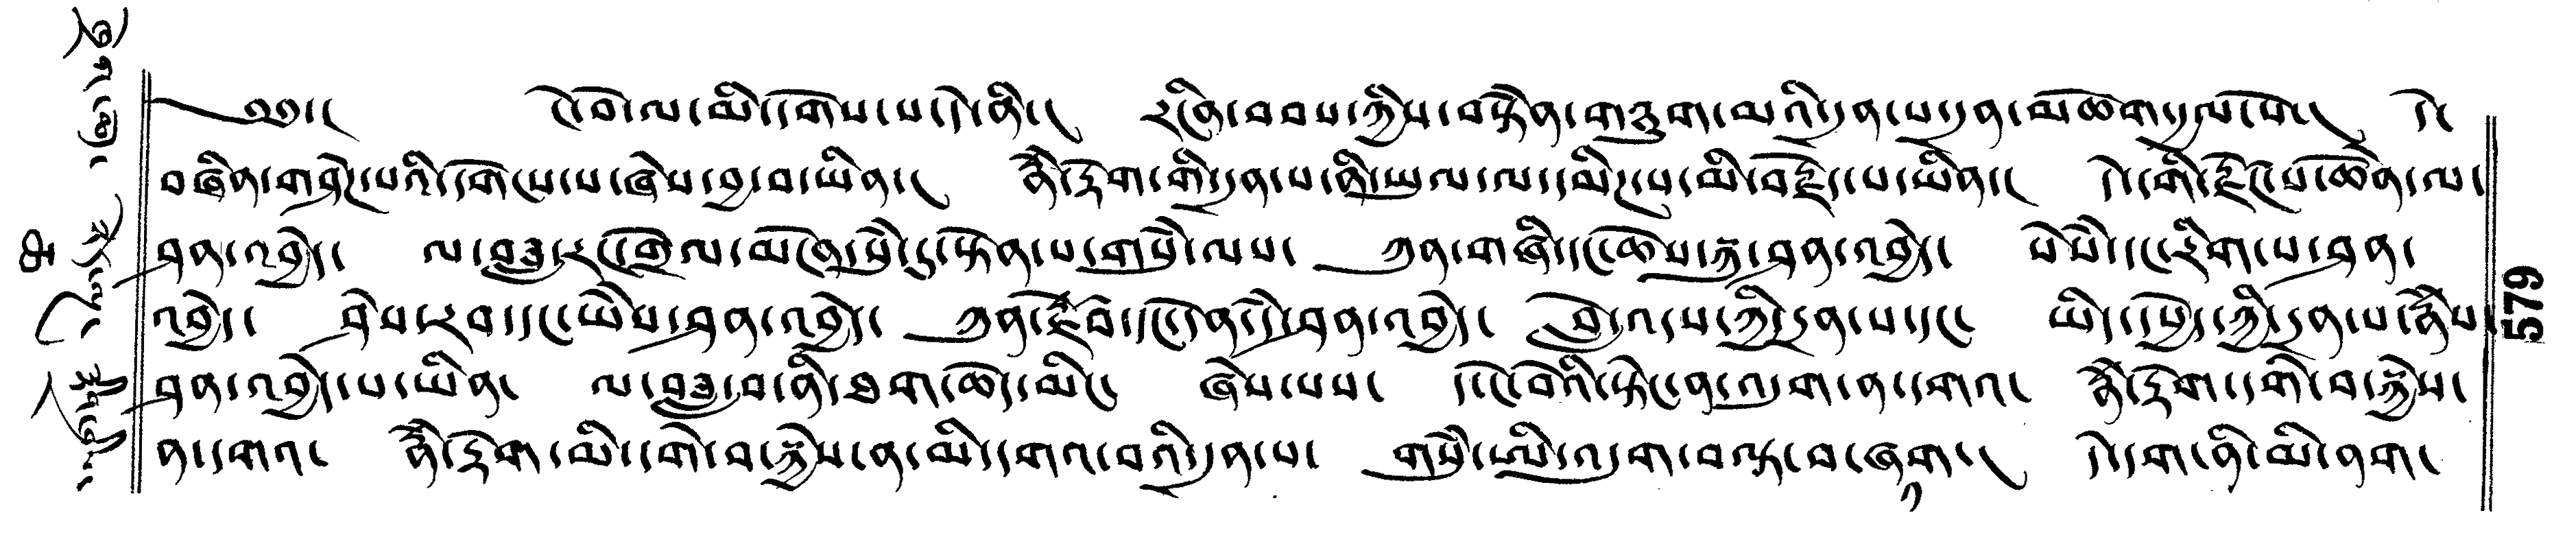ངོ་བོ་ལ་མི་དགོས་པ་དེ་ནི། རང་བཞིན་བབས་ཀྱིས་བསམ་གཏན། གཉུག་མའི་དྲན་པ། དྲན་མཆོག་རྒྱལ་པོ། དེ་
བཞིན་གཤེགས་པའི་དགོངས་པ་ཞེས་བྱ་བ་ཡིན། རྣམ་རྟོག་གི་དྲན་པ་ནི་ཡུལ་ལ་དམིགས་པ་མི་བརྗེད་པ་ཡིན། དེ་དག་གི་རྫོགས་པ་ཆེན་པོ་ལ་
ཤན་འབྱེད། ལ་བཟླ་རང་གྲོལ་མངོན་སུམ་དུ་སྟོན་པ་གསུམ་ལས། ཀུན་གཞི་དང་ཆོས་སྐུ་ཤན་འབྱེད། སེམས་དང་རིག་པ་ཤན་
འབྱེད། ཤེས་རབ་དང་ཡེ་ཤེས་ཤན་འབྱེད། ཀུན་རྫོབ་དང་དོན་དམ་ཤན་འབྱེད། བློ་འདས་ཀྱི་དྲན་པ་དང་། ཡིད་དཔྱོད་ཀྱི་དྲན་པ་རྣམས་
ཤན་འབྱེད་པ་ཡིན། ལ་བཟླ་བ་ནི་ཐག་ཆོད་མིང་། ཞེས་པས། ད་ངོ་བོའི་སྟེང་ན་འདུག་ན་དགའ། རྣམ་རྟོག་དགེ་བ་སྐྱེས་
ན་དགའ། རྣམ་རྟོག་མི་དགེ་བ་སྐྱེས་ན་མི་དགའ་བའི་དྲན་པ། གསུམ་ཨི་འདུག་བལྟ་བ་ཞག་གཅིག དེ་དག་ནི་མི་ནག་